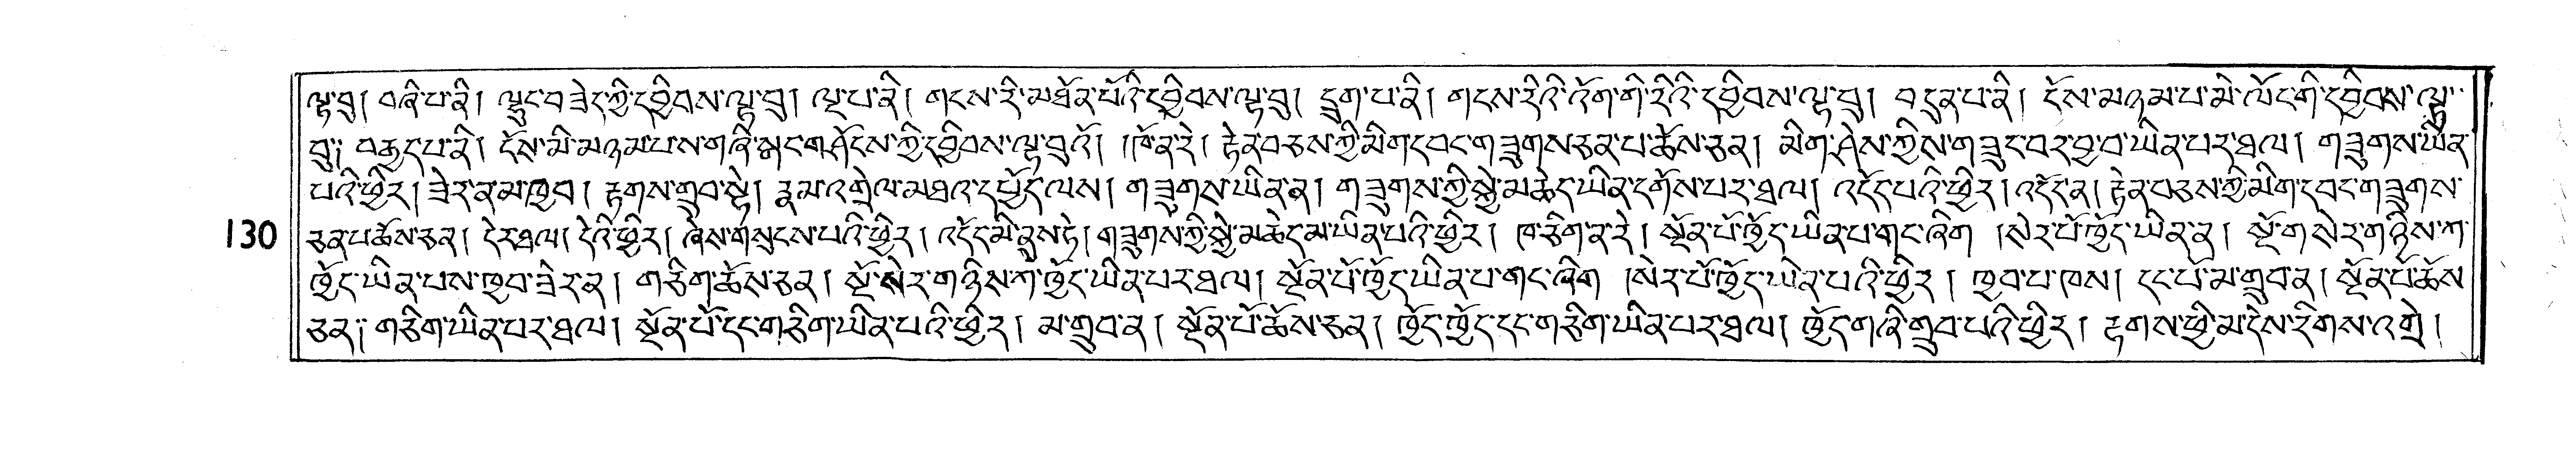ལྟ་བུ། བཞི་པ་ནི། ལྷུང་བཟེད་ཀྱི་དབྱིབས་ལྟ་བུ། ལྔ་པ་ནི། གངས་རི་མཐོན་པོའི་དབྱིབས་ལྟ་བུ། དྲུག་པ་ནི། གངས་རིའི་འོག་གི་རིའི་དབྱིབས་ལྟ་བུ། བདུན་པ་ནི། དོས་མཉམ་པ་མི་ལོང་གི་དབྱིབས་ལྟ་
བུ༑ བརྒྱད་པ་ནི། ངོས་མི་མཉམ་པས་གཞི་སྒང་གཤོངས་ཀྱི་དབྱིབས་ལྟ་བུའོ། །ཁོ་ན་རེ། རྟེན་བཅས་ཀྱི་མིག་དབང་གཟུགས་ཅན་པ་ཆོས་ཅན། མིག་ཤེས་ཀྱིས་གཟུང་བར་བྱ་བ་ཡིན་པར་ཐལ། གཟུགས་ཡིན་
པའི་ཕྱིར། ཟེར་ནམ་ཁྱབ། རྟགས་གྲུབ་སྟེ། རྣམ་འགྲེལ་མཐའ་དཔྱོད་ལས། གཟུགས་ཡིན་ན། གཟུགས་ཀྱི་སྐྱེ་མཆེད་ཡིན་དགོས་པར་ཐལ། འདོད་པའི་ཕྱིར། འདོད་ན། རྟེན་བཅས་ཀྱི་མིག་དབང་གཟུགས་
ཅན་པ་ཆོས་ཅན། དེར་ཐལ། དེའི་ཕྱིར། ཞེས་གསུངས་པའི་ཕྱིར། འདོད་མི་ནུས་ཏེ། གཟུགས་ཀྱི་སྐྱེ་མཆེད་མ་ཡིན་པའི་ཕྱིར། ཁ་ཅིག་ན་རེ། སྔོན་པོ་ཁྱོད་ཡིན་པ་གང་ཞིག །སེར་པོ་ཁྱོད་ཡིན་པའི་ཕྱིར། ཁྱབ་པ་ཁས། དང་པོ་མ་གྲུབ་ན། སྔོན་པོ་ཆོས་
ཁྱོད་ཡིན་པས་ཁྱབ་ཟེར་ན། གཅིག་ཆོས་ཅན། སྔོ་སེར་གཉིས་ཀ་ཁྱོད་ཡིན་པར་ཐལ། སྔོན་པོ་ཁྱོད་ཡིན་པ་གང་ཞིག །སེར་པོ་ཁྱོད་ཡིན་པའི་ཕྱིར། ཁྱབ་པ་ཁས། དང་པོ་མ་གྲུབ་ན། སྔོན་པོ་ཆོས་
ཅན༑ གཅིག་ཡིན་པར་ཐལ། སྔོན་པོ་དང་གཅིག་ཡིན་པའི་ཕྱིར། མ་གྲུབ་ན། སྔོན་པོ་ཆོས་ཅན། ཁྱོད་ཁྱོད་དང་གཅིག་ཡིན་པར་ཐལ། ཁྱོད་གཞི་གྲུབ་པའི་ཕྱིར། རྟགས་ཕྱི་མ་དེས་རིགས་འགྲེ།